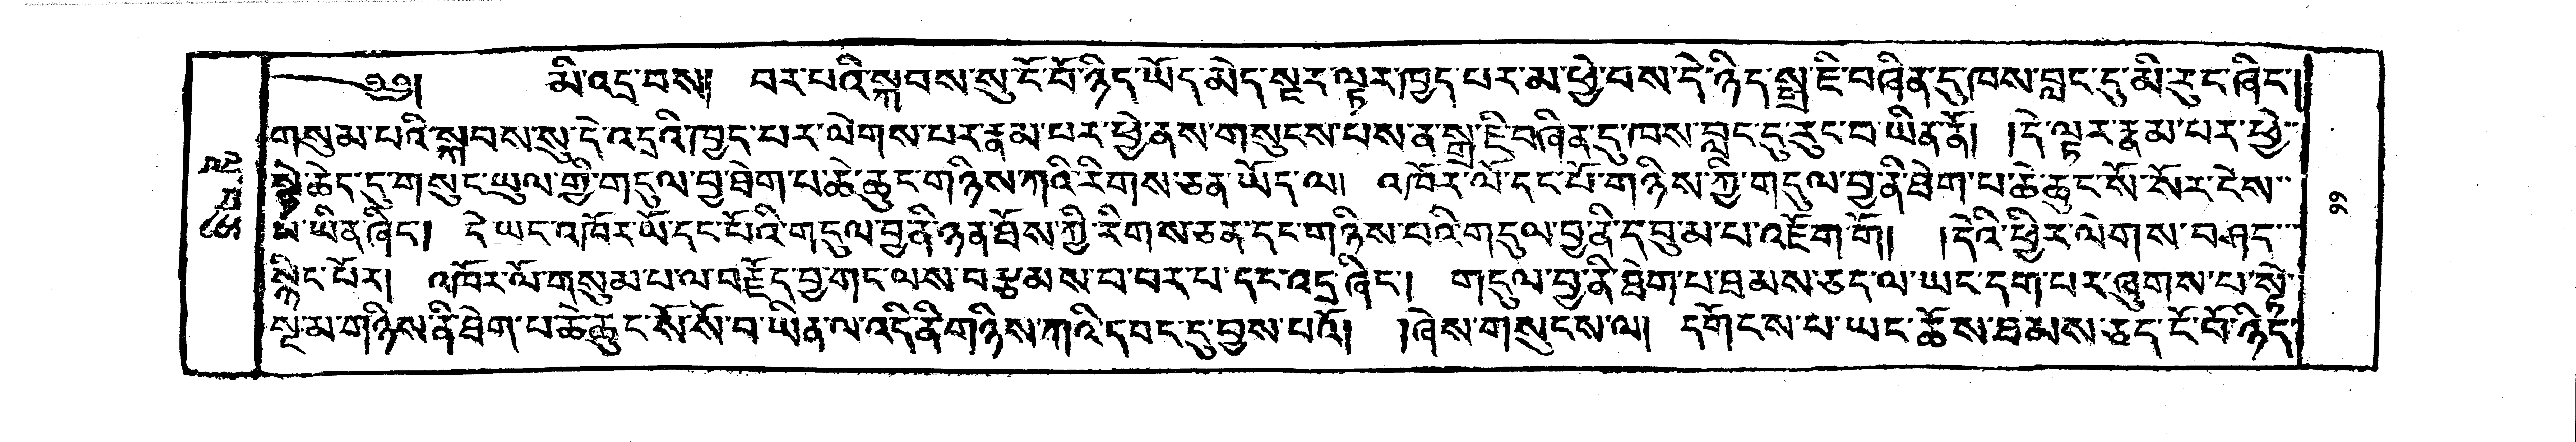༄༅། །མི་འདྲ་བས། བར་པའི་སྐབས་སུ་ངོ་བོ་ཉིད་ཡོད་མེད་སྔར་ལྟར་ཁྱད་པར་མ་ཕྱེ་བས་དེ་ཉིད་སྒྲ་ཇི་བཞིན་དུ་ཁས་བླང་དུ་མི་རུང་ཞིང་།
གསུམ་པའི་སྐབས་སུ་དེ་འདྲའི་ཁྱད་པར་ལེགས་པར་རྣམ་པར་ཕྱེ་ནས་གསུངས་པས་ན་སྒྲ་ཇི་བཞིན་དུ་ཁས་བླང་དུ་རུང་བ་ཡིན་ནོ། །དེ་ལྟར་རྣམ་པར་ཕྱེ་
སྟེ་ཆེད་དུ་གསུང་ཡུལ་གྱི་གདུལ་བྱ་ཐེག་པ་ཆེ་ཆུང་གཉིས་ཀའི་རིགས་ཅན་ཡོད་ལ། འཁོར་ལོ་དང་པོ་གཉིས་ཀྱི་གདུལ་བྱ་ནི་ཐེག་པ་ཆེ་ཆུང་སོ་སོར་ངེས་
པ་ཡིན་ཞིང་། དེ་ཡང་འཁོར་ལོ་དང་པོའི་གདུལ་བྱ་ནི་ཉན་ཐོས་ཀྱི་རིགས་ཅན་དང་གཉིས་པའི་གདུལ་བྱ་ནི་དབུ་མ་པ་འཇོག་གོ། །དེའི་ཕྱིར་ལེགས་བཤད་
སྙིང་པོར། འཁོར་ལོ་གསུམ་པ་ལ་བརྗོད་བྱ་གང་ལས་བརྩམས་པ་བར་པ་དང་འདྲ་ཞིང་། གདུལ་བྱ་ནི་ཐེག་པ་ཐམས་ཅད་ལ་ཡང་དག་པར་ཞུགས་པ་སྟེ་
སྔ་མ་གཉིས་ནི་ཐེག་པ་ཆེ་ཆུང་སོ་སོ་བ་ཡིན་ལ་འདི་ནི་གཉིས་ཀའི་དབང་དུ་བྱས་པའོ། །ཞེས་གསུངས་ལ། དགོངས་པ་ཡང་ཆོས་ཐམས་ཅད་ངོ་བོ་ཉིད་